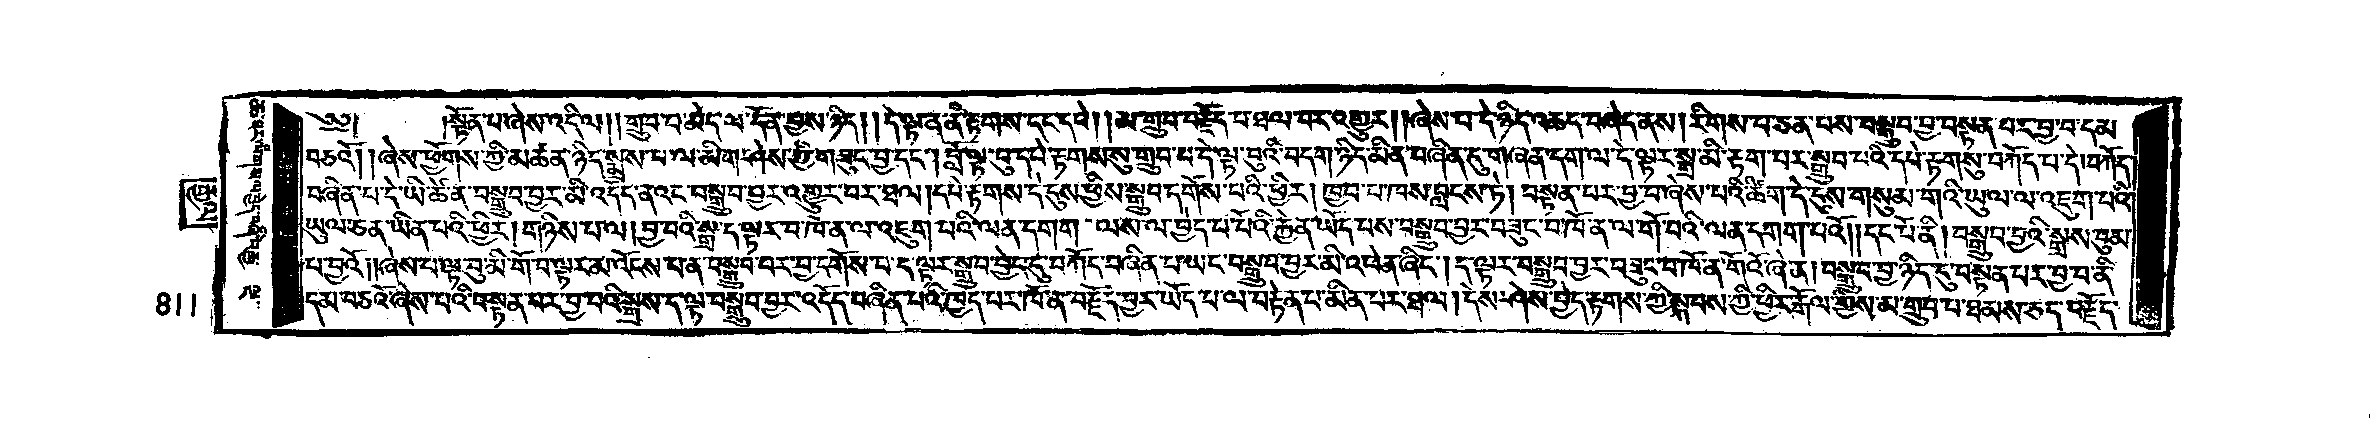༄༅། །སྟོན་པ་ཞེས་འདི་ལ། །གྲུབ་པ་མེད་ལ་དོན་བྱས་ཉིད། །དེ་ལྟ་ན་ནི་རྟགས་དང་དཔེ། །མ་གྲུབ་བརྗོད་པ་ཐལ་བར་འགྱུར། །ཞེས་པ་དེ་ཉིད་འཆད་བཞེད་ནས། རིགས་པ་ཅན་པས་བསྒྲུབ་བྱ་བསྟན་པར་བྱ་བ་དམ་
བཅའོ། །ཞེས་ཕྱོགས་ཀྱི་མཚན་ཉིད་སྨྲས་པ་ལ་མིག་ཤེས་ཀྱི་གཟུང་བྱ་དང་། བློ་ལྟ་བུ་དཔེ་རྟགས་སུ་གྲུབ་པ་དེ་ལྟ་བུའི་བདག་ཉིད་མིན་བཞིན་དུ་གཞན་དག་ལ་དེ་ལྟར་སྒྲ་མི་རྟག་པར་སྒྲུབ་པའི་དཔེ་རྟགས་སུ་བཀོད་པ་དེ། བཀོད་
བཞིན་པ་དེ་ཡི་ཚེ་ན་བསྒྲུབ་བྱར་མི་འདོད་ནའང་བསྒྲུབ་བྱར་འགྱུར་བར་ཐལ། དཔེ་རྟགས་དེ་དུས་ཕྱིས་སྒྲུབ་དགོས་པའི་ཕྱིར། ཁྱབ་པ་ཁས་བླངས་ཏེ། བསྟན་པར་བྱ་བ་ཞེས་པའི་ཚིག་དེ་དུས་གསུམ་གའི་ཡུལ་ལ་འཇུག་པའི་
ཡུལ་ཅན་ཡིན་པའི་ཕྱིར། གཉིས་པ་ལ། བྱ་བའི་སྒྲ་དེ་ལྟར་བ་ཁོ་ན་ལ་འཇུག་པའི་ལན་དགག་ལས་ལ་བྱེད་པ་པོའི་རྐྱེན་ཡོད་པས་བསྒྲུབ་བྱར་བཟུང་བ་ཁོ་ན་ལ་གོ་བའི་ལན་དགག་པའོ། །དང་པོ་ནི། བསྒྲུབ་བྱའི་སྒྲས་བུམ་
པ་བྱའོ། །ཞེས་པ་ལྟ་བུ་མི་གོ་བ་ལྟར་མ་འོངས་པ་ན་བསྒྲུབ་པར་བྱ་དགོས་པ་དེ་ལྟར་སྒྲུབ་བྱེད་དུ་བཀོད་བཞིན་པ་ཡང་བསྒྲུབ་བྱར་མི་འཕེན་ཞིང་། ད་ལྟར་བསྒྲུབ་བྱར་བཟུང་བ་ཁོ་ན་གོའོ་ཞེ་ན། བསྒྲུབ་བྱ་ཉིད་དུ་བསྟན་པར་བྱ་བ་ནི་
དམ་བཅའོ་ཞེས་པའི་བསྟན་པར་བྱ་བའི་སྒྲས་ད་ལྟ་བསྒྲུབ་བྱར་འདོད་བཞིན་པའི་ཁྱད་པར་ཁོ་ན་བརྗོད་བྱར་ཡོད་པ་ལ་བརྟེན་པ་མིན་པར་ཐལ། དེས་ཤེས་བྱེད་རྟགས་ཀྱི་སྐབས་ཀྱི་ཕྱིར་རྒོལ་གྱིས་མ་གྲུབ་པ་ཐམས་ཅད་བརྗོད་